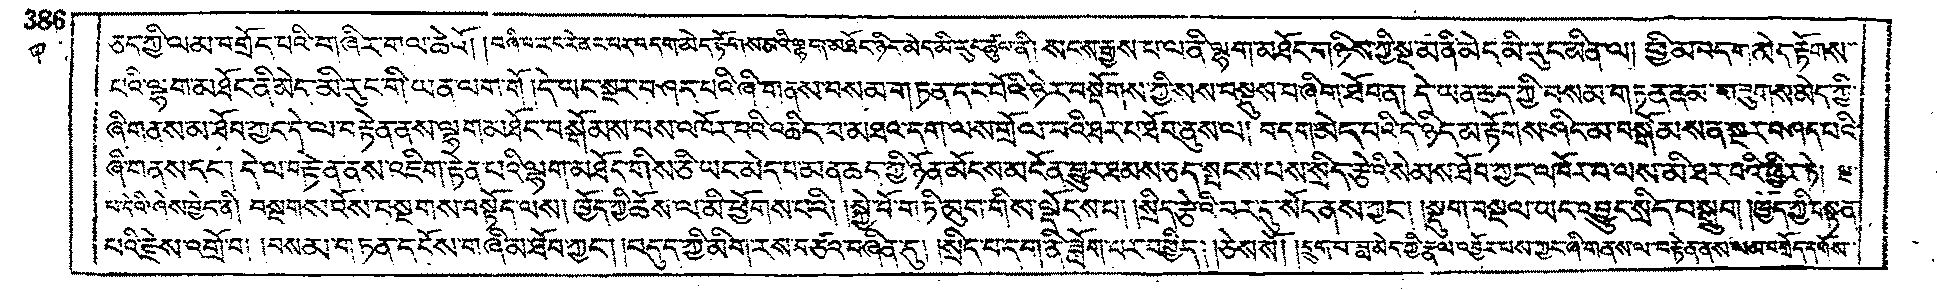ཅད་ཀྱི་ལམ་བགྲོད་པའི་གཞིར་གལ་ཆེའོ། །བཞི་པ་རང་རེ་ནང་པར་བདག་མེད་རྟོགས་མའི་ལྷག་མཐོང་ཉིད་མེད་མི་རུང་ཚུལ་ནི།  སངས་རྒྱས་པ་ལ་ནི་ལྷག་མཐོང་གཉིས་ཀྱི་སྔ་མ་ནི་མེད་མི་རུང་མིན་ལ། ཕྱི་མ་བདག་མེད་རྟོགས་
པའི་ལྷག་མཐོང་ནི་མེད་མི་རུང་གི་ཡན་ལག་གོ །དེ་ཡང་སྔར་བཤད་པའི་ཞི་གནས་བསམ་གཏན་དང་པོའི་ཉེར་བསྡོགས་ཀྱི་སས་བསྡུས་པ་ཞིག་ཐོབ་ན། དེ་ཡན་ཆད་ཀྱི་བསམ་གཏན་ནམ་གཟུགས་མེད་ཀྱི་
ཞི་གནས་མ་ཐོབ་ཀྱང་དེ་ལ་བརྟེན་ནས་ལྷག་མཐོང་བསྒོམས་པས་འཁོར་བའི་འཆིང་བ་མཐའ་དག་ལས་གྲོལ་བའི་ཐར་པ་ཐོབ་ནུས་ལ། བདག་མེད་པའི་དེ་ཉིད་མ་རྟོགས་ཤིང་མ་བསྒོམས་ན་སྔར་བཤད་པའི་
ཞི་གནས་དང་། དེ་ལ་བརྟེན་ནས་འཇིག་རྟེན་པའི་ལྷག་མཐོང་གིས་ཅི་ཡང་མེད་པ་མན་ཆད་ཀྱི་ཉོན་མོངས་མངོན་གྱུར་ཐམས་ཅད་སྤངས་པས་སྲིད་རྩེའི་སེམས་ཐོབ་ཀྱང་འཁོར་བ་ལས་མི་ཐར་བའི་ཕྱིར་ཏེ། ལྔ་
པ་དེའི་ཤེས་བྱེད་ནི། བསྔགས་འོས་བསྔགས་བསྟོད་ལས། ཁྱོད་ཀྱི་ཆོས་ལ་མི་ཕྱོགས་པའི། །སྐྱེ་བོ་གཏི་མུག་གིས་ལྡོངས་པ། །སྲིད་རྩེའི་བར་དུ་སོང་ནས་ཀྱང་། །སྡུག་བསྔལ་ཡང་འབྱུང་སྲིད་པ་སྒྲུབ། །ཁྱོད་ཀྱི་བསྟན་
པའི་རྗེས་འགྲོ་བ། །བསམ་གཏན་དངོས་གཞི་མ་ཐོབ་ཀྱང་། །བདུད་ཀྱི་མིག་རས་བཙའ་བཞིན་དུ། །སྲིད་པ་དག་ནི་ཟློག་པར་བགྱིད། །ཅེས་སོ། །དྲུག་པ་བླ་མེད་ཀྱི་རྣལ་འབྱོར་པས་ཀྱང་ཞི་གནས་ལ་བརྟེན་ནས་ལམ་བགྲོད་དགོས་